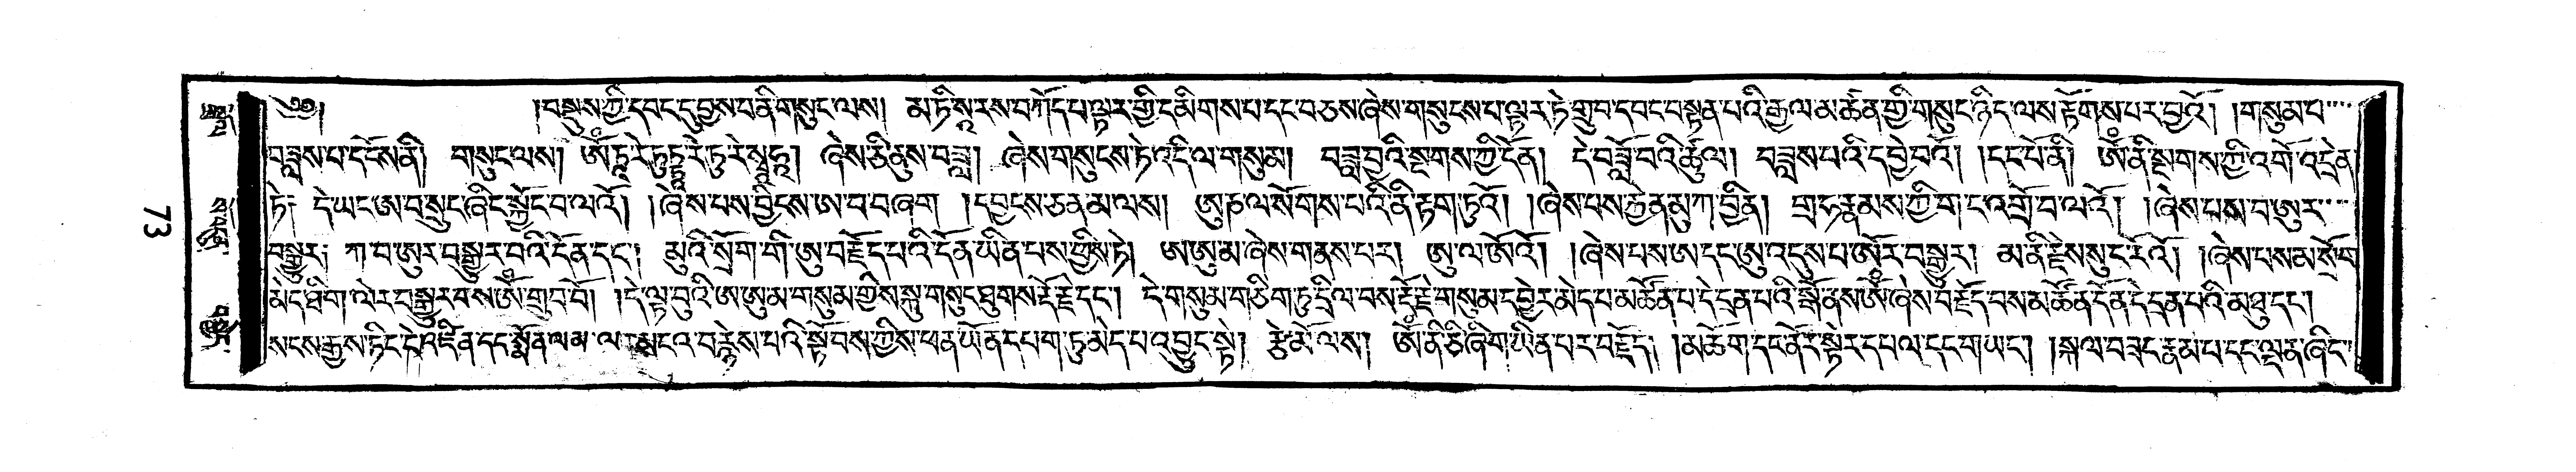༄༅། །བསྡུས་ཀྱི་དབང་དུ་བྱས་པ་ནི་གསུང་ལས། མ་ཏི་སཱ་རས་བཀོད་པ་ལྟར་གྱི་དམིགས་པ་དང་བཅས་ཞེས་གསུངས་པ་ལྟར་ཏེ་གྲུབ་དབང་བསྟན་པའི་རྒྱལ་མཚན་གྱི་གསུང་ཉིད་ལས་རྟོགས་བར་བྱའོ། །གསུམ་པ་
བཟླས་པ་དངོས་ནི། གསུང་ལས། ཨོཾ་ཏཱ་རེ་ཏུཏྟཱ་རེ་ཏུ་རེ་སྭཱཧཱ། ཞེས་ཅི་ནུས་བཟླ། ཞེས་གསུངས་ཏེ་འདི་ལ་གསུམ། བཟླ་བྱའི་སྔགས་ཀྱི་དོན། དེ་བཟློ་བའི་ཚུལ། བཟླས་པའི་དབྱེ་བའོ། །དང་པོ་ནི། ཨོཾ་ནི་སྔགས་ཀྱི་འགོ་འདྲེན་
ཏེ། དེ་ཡང་ཨ་བ་སྲུང་ཞིང་སྐྱོང་བ་ལའོ། །ཞེས་པས་བྱིངས་ཨ་བ་བཞག །དབྱངས་ཅན་མ་ལས། ཨུཎ་ལ་སོགས་པའི་ནི་རྟག་ཏུའོ། །ཞེས་པས་རྐྱེན་མུ་ཀྲ་བྱིན། གྲ་ཧ་རྣམས་ཀྱི་ག་ང་འགྲོ་བ་ལའོ། །ཞེས་པས་བ་ཨུར་
བསྒྱུར། ཀ་བ་ཨུར་བསྒྱུར་བའི་དོན་དང་། མུའི་སྲོག་གི་ཨུ་བརྗོད་པའི་དོན་ཡིན་པས་ཕྱིས་ཏེ། ཨ་ཨུ་མ་ཞེས་གནས་པར། ཨུ་ལ་ཨོའོ། །ཞེས་པས་ཨ་དང་ཨུ་འདུས་པ་ཨོར་བསྒྱུར། མ་ནི་རྗེས་སུ་ང་རོའོ། །ཞེས་པས་མ་སྲོག་
མེད་ཐིག་ལེར་བསྒྱུར་བས་ཨོཾ་གྲུབ་བོ། །དེ་ལྟ་བུའི་ཨ་ཨུ་མ་གསུམ་གྱིས་སྐུ་གསུང་ཐུགས་རྡོ་རྗེ་དང་། དེ་གསུམ་གཅིག་ཏུ་དྲིལ་བས་རྡོ་རྗེ་གསུམ་དབྱེར་མེད་པ་མཚོན་པ་དེ་དྲན་པའི་སྒོ་ནས་ཨོཾ་ཞེས་བརྗོད་པས་མཚོན་དོན་དེ་དྲན་པའི་མཐུ་དང་།
སངས་རྒྱས་ཏིང་ངེ་འཛིན་དང་སྨོན་ལམ་ལ་མངའ་བརྙེས་པའི་སྟོབས་ཀྱིས་ཕན་ཡོན་དཔག་ཏུ་མེད་པ་འབྱུང་སྟེ། རྩེ་མོ་ལས། ཨོཾ་ནི་ཅི་ཞིག་ཡིན་པར་བརྗོད། །མཆོག་དང་ནོར་སྟེར་དཔལ་དང་གཡང་། །སྐལ་བཟང་རྣམ་པ་དང་ལྡན་ཞིང་།